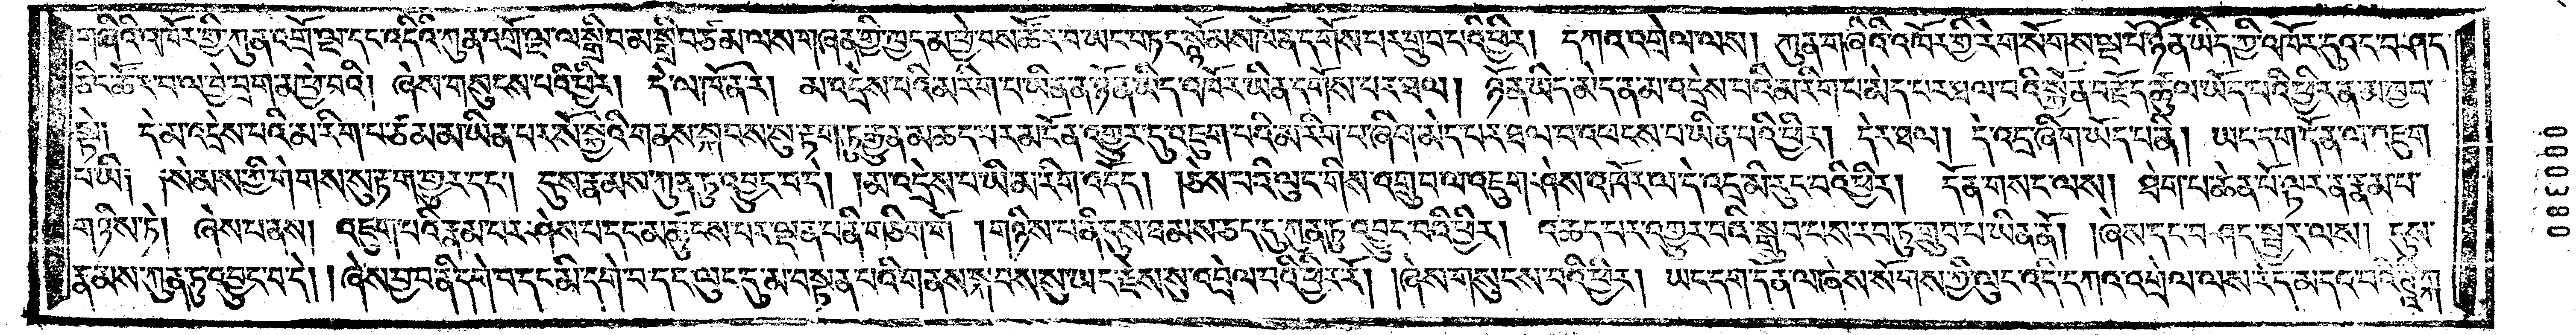གཞིའི་འཁོར་གྱི་ཀུན་འགྲོ་ལྔ་དང་འདིའི་ཀུན་འགྲོ་ལྔ་ལ་སྒྲིབ་མ་སྒྲིབ་ཙམ་ལས་གཞན་གྱི་ཁྱད་མ་ཕྱེ་བས་ཚེར་བ་ཡང་བཏང་སྙོམས་ཁོ་ན་དགོས་པར་གྲུབ་པའི་ཕྱིར། དཀའ་འགྲེལ་ལས། ཀུན་གཞིའི་འཁོར་གྱི་རེག་སོགས་ལྔ་པོ་ཉོན་ཡིད་ཀྱི་འཁོར་དུའང་བཤད་
ཅིང་ཚོར་བ་ལ་བྱེ་བྲག་མ་ཕྱེ་བའི། ཞེས་གསུངས་པའི་ཕྱིར། དེ་ལ་ཁོ་ན་རེ། མ་འདྲེས་པའི་མ་རིག་པ་ཡིན་ན་ཉོན་ཡིད་འཁོར་ཡིན་དགོས་པར་ཐལ། ཉོན་ཡིད་མེད་ན་མ་འདྲེས་པའི་མ་རིག་པ་མེད་པར་ཐལ་བའི་སྐྱོན་བརྗོད་ཚུལ་ཡོད་པའི་ཕྱིར་ན་མ་ཁྱབ་
སྟེ། དེ་མ་འདྲེས་བའི་མ་རིག་པ་ཙམ་མ་ཡིན་པར་སོ་སྐྱེའི་གནས་སྐབས་སུ་རྟག་ཏུ་རྒྱུན་མ་ཆད་པར་མངོན་འགྱུར་དུ་འཇུག་པའི་མ་རིག་པ་ཞིག་མེད་པར་ཐལ་བ་འཕངས་པ་ཡིན་པའི་ཕྱིར། དེར་གསང་ལས། ཐེག་པ་ཆེན་པོ་ལྟར་ན་རྣམ་པ་
བ་ཡི། ༑སེམས་ཀྱི་གེགས་སུ་རྟག་གྱུར་དང་། དུས་རྣམས་ཀུན་ཏུ་འབྱུང་བ་དེ། མ་འདྲེས་པ་ཡི་མ་རིག་འདོད། །ཅེས་པའི་ལུང་གིས་འགྲུབ་ལ་འཇུག་ཤེས་འཁོར་ལོ་དེ་འདྲ་མི་རུང་བའི་ཕྱིར། དོན་གསང་ལས། ཐེག་པ་ཆེན་པོ་ལྟར་ན་རྣམ་པ་
གཉིས་ཏེ། ཞེས་པ་ནས། འཇུག་པའི་རྣམ་པར་ཤེས་པ་དང་མཚུངས་པར་ལྡན་པ་ནི་གཅིག་གོ །གཉིས་པ་ནི་དུས་ཐམས་ཅད་དུ་ཀུན་ཏུ་འབྱུང་བའི་ཕྱིར། འཆད་པར་འགྱུར་བའི་སྒྲུབ་པས་རབ་ཏུ་གྲུབ་པ་ཡིན་ནོ། །ཞེས་དང་བཤད་སྦྱར་ལས། དུས་
རྣམས་ཀུན་ཏུ་འབྱུང་བ་དེ། །ཞེས་བྱ་བ་ནི་དགེ་བ་དང་མི་དགེ་བ་དང་ལུང་དུ་མ་བསྟན་པའི་གནས་སྐབས་སུ་ཡང་རྗེས་སུ་འབྲེལ་བའི་ཕྱིར་རོ། །ཞེས་གསུངས་པའི་ཕྱིར། ཡང་དག་དོན་ལ་ཞེས་སོགས་ཀྱི་ལུང་འདི་དཀའ་འགྲེལ་ལས་རེད་མདའ་བའི་ཊཱིཀྐ་